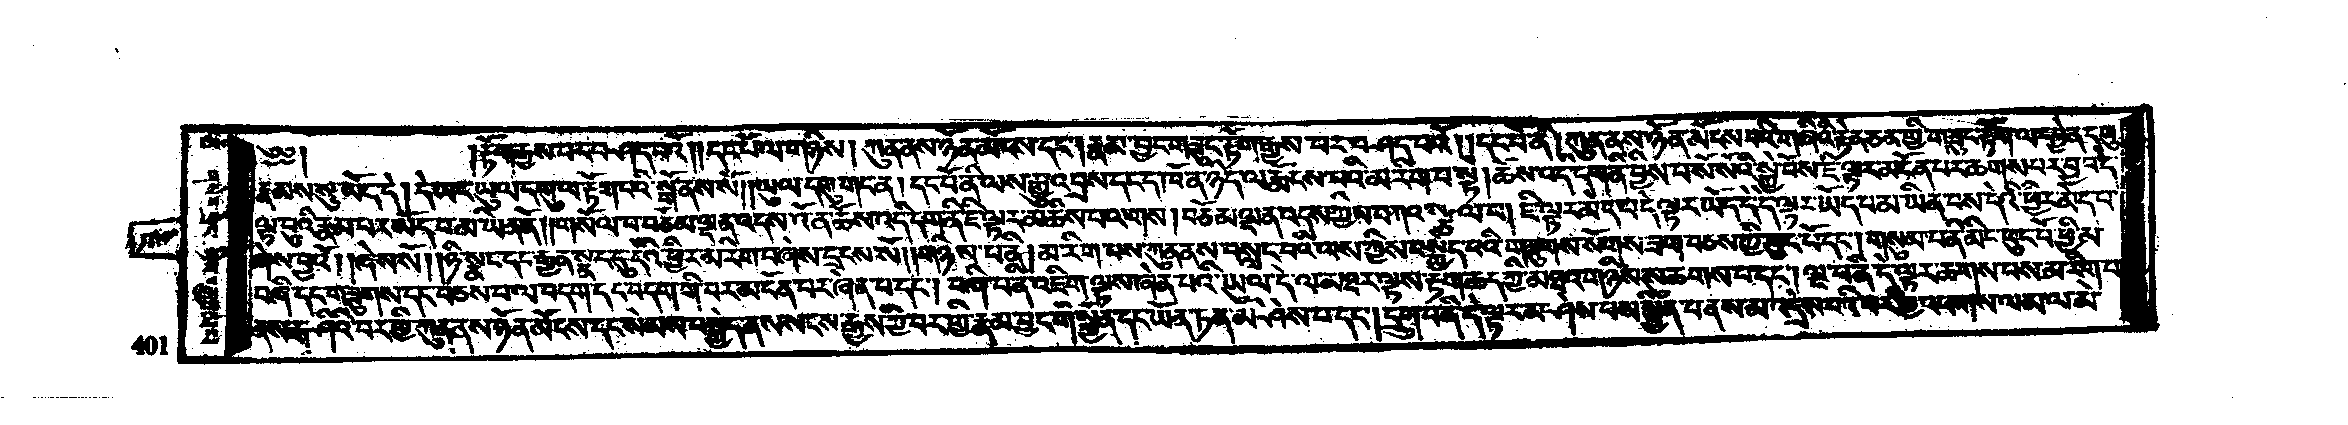༄༅། །རྟོག་རྒྱས་པར་བཤད་པའོ། །དང་པོ་ལ་གཉིས། ཀུན་ནས་ཉོན་མོངས་དང་། རྣམ་བྱང་གཟུང་རྟོག་རྒྱས་པར་བཤད་པའོ། །དང་པོ་ནི། ཀུན་ནས་ཉོན་མོངས་པའི་གཞིའི་རྟེན་ཅན་གྱི་གཟུང་རྟོག་ལ་དབྱེ་ན་དགུ་
རྣམས་སུ་ཡོད་དེ། དེ་ཡང་ཡུལ་དགུ་ལ་རྟོག་པའི་སྒོ་ནས་སོ། །ཡུལ་དགུ་གང་ན། དང་པོ་ནི་ལས་རྒྱུ་འབྲས་དང་ད་ཁོ་ན་ཉིད་ལ་རྨོངས་པའི་མ་རིག་པ་སྟེ། ཆོས་འདི་དག་ནི་བྱིས་པ་སོ་སོའི་སྐྱེ་བོས་ཇི་ལྟར་མངོན་པར་ཆགས་པར་བྱ་བ་དེ་
ལྟ་བུའི་རྣམ་པར་ཡོད་པ་མ་ཡིན་ནོ། །གསོལ་བ་བཅོམ་ལྡན་འདས་འོ་ན་ཆོས་འདི་དག་ནི་ཇི་ལྟར་མཆིས་པ་ལགས། བཅོམ་ལྡན་འདས་ཀྱིས་བཀའ་སྩལ་པ། ཇི་ལྟར་མེད་པ་དེ་ལྟར་ཡོད་དེ་དེ་ལྟར་ཡོད་པ་མ་ཡིན་པས་དེའི་ཕྱིར་མེད་པ་
ཞེས་བྱའོ། །ཞེས་སོ། །ཉི་སྣང་དང་རྒྱན་སྣང་དུ་དེའི་ཕྱིར་མ་རིག་པ་ཞེས་དྲངས་སོ། །གཉིས་པ་ནི། མ་རིག་པས་ཀུན་ནས་བསླང་པའི་ལས་ཀྱིས་བསྐྱེད་པའི་གཟུགས་སོགས་ཟག་བཅས་ཀྱི་ཕུང་པོ་དང་། གསུམ་པ་ནི་མིང་ཕུང་པོ་ཕྱི་མ་
བཞི་དང་གཟུགས་དང་བཅས་པ་ལ་བདག་དང་བདག་གི་བར་མངོན་པར་ཞེན་པ་དང་། བཞི་པ་ནི་འཇིག་ལྟས་ཞེན་པའི་ཡུལ་དེ་ལ་མཐར་ལྟས་རྟག་ཆད་ཀྱི་མཐའ་གཉིས་སུ་ཆགས་པ་དང་། ལྔ་པ་ནི་དེ་ལྟར་ཆགས་པས་མ་རིག་པ་
ནས་རྒ་ཤིའི་བར་གྱི་ཀུན་ནས་ཉོན་མོངས་དང་སེམས་བསྐྱེད་ནས་སངས་རྒྱས་ཀྱི་བར་གྱི་རྣམ་བྱང་གི་སྐྱོན་དང་ཡོན་ཏན་མི་ཤེས་པ་དང་། དྲུག་པ་ནི་དེ་ལྟར་མ་ཤེས་པས་སྦྱིན་པ་ནས་མ་འདྲེས་པའི་བར་གྱི་འཕགས་ལམ་ལ་མེ་